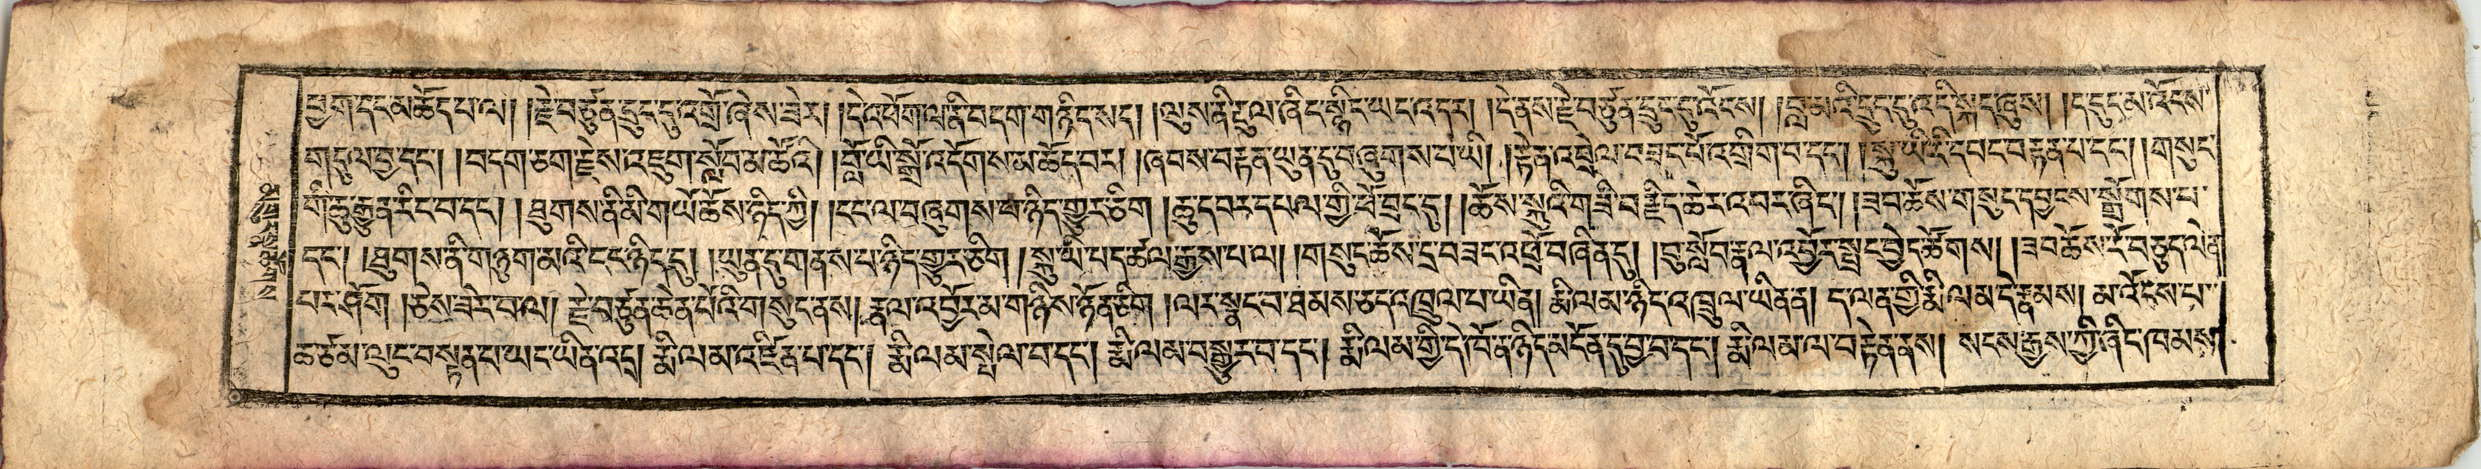ཕྱག་དང་མཆོད་པ་ལ། །རྗེ་བཙུན་དྲུང་དུ་འགྲོ་ཞེས་ཟེར། །དེ་འབོག་ལ་ནི་བདག་གཉིད་སད། །ལུས་ནི་རྔུལ་ཞིང་སྙིང་ཡང་འདར། །དེ་ནས་རྗེ་བཙུན་དྲུང་དུ་འོངས། །བླ་མའི་དྲུང་དུ་འདི་སྐད་ཞུས། །ད་དུང་མ་འོངས་
གདུལ་བྱ་དང་། །བདག་ཅག་རྗེས་འཇུག་སློབ་མ་ཚོ། །བློ་ཡི་སྒྲོ་འདོགས་མ་ཆོད་པར། །ཞབས་བརྟན་ཡུན་དུ་བཞུགས་པ་ཡི། །རྟེན་འབྲེལ་བཟང་པོ་འགྲིག་པ་དང་། ། སྐུ་ཡི་རི་དབང་བརྟན་པ་དང་། །གསུང་
གི་ཆུ་རྒྱུན་རིང་བ་དང། །ཐུགས་ནི་མི་གཡོ་ཆོས་ཉིད་ཀྱི། །ངང་ལ་བཞུགས་པ་ཉིད་གྱུར་ཅིག །ཆུ་དབར་དཔལ་གྱི་ཐོ་བྲང་དུ། །ཆོས་སྐུའི་གཟི་བརྗིད་ཆེར་འབར་ཞིང་། །ཟབ་ཆོས་གསུང་དབྱངས་སྒྲོགས་པ་
དང་། །ཐུགས་ནི་གཉུག་མའི་ངང་ཉིད་དུ། །ཡུན་དུ་གནས་པ་ཉིད་གྱུར་ཅིག །སྐུ་ཡི་པད་ཚལ་རྒྱས་པ་ལ། །གསུང་ཆོས་དྲི་བཟང་འཕྲོ་བཞིན་དུ། །བུ་སློབ་རྣལ་འབྱོར་སྤྲང་བྱེད་ཚོགས། །ཟབ་ཆོས་རོ་བཅུད་ལེན་
པར་ཤོག །ཅེས་ཟེར་བ་ལ། རྗེ་བཙུན་ཆེན་པོའི་གསུང་ནས། རྣལ་འབྱོར་མ་གཉིས་ཉོན་ཅིག །ལར་སྣང་བ་ཐམས་ཅད་འཁྲུལ་པ་ཡིན། རྨི་ལམ་ཉིད་འཁྲུལ་ཡིན་ན། ད་ལན་གྱི་རྨི་ལམ་དེ་རྣམས། མ་འོངས་པ་
ཆ་ཙམ་ལུང་བསྟན་པ་ཡང་ཡིན་འདྲ། རྨི་ལམ་འཛིན་པ་དང་། རྨི་ལམ་སྤེལ་བ་དང་། རྨི་ལམ་བསྒྱུར་བ་དང་། རྨི་ལམ་གྱི་དེ་ཁོ་ན་ཉིད་མངོན་དུ་བྱ་བ་དང་། རྨི་ལམ་ལ་བརྟེན་ནས། སངས་རྒྱས་ཀྱི་ཞིང་ཁམས་